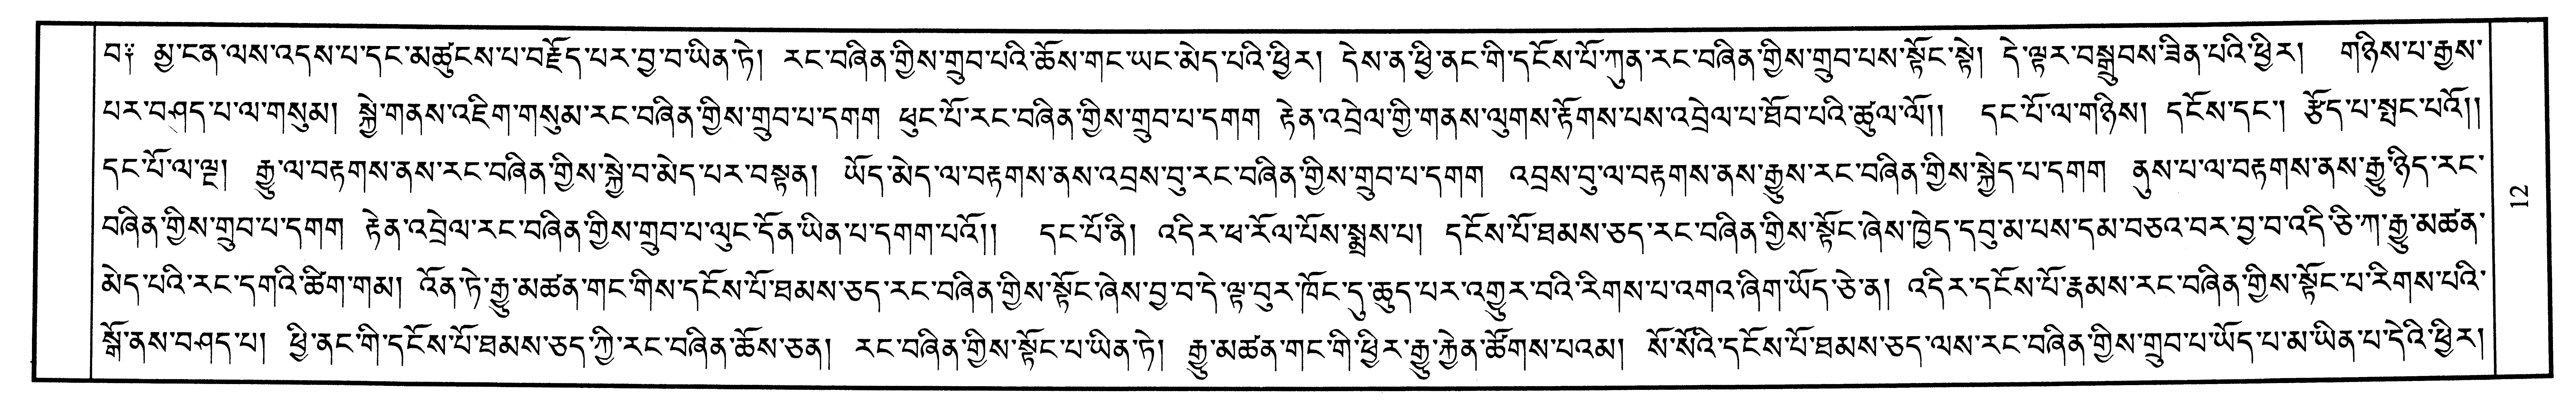བ༑ མྱ་ངན་ལས་འདས་པ་དང་མཚུངས་པ་བརྗོད་པར་བྱ་བ་ཡིན་ཏེ། རང་བཞིན་གྱིས་གྲུབ་པའི་ཆོས་གང་ཡང་མེད་པའི་ཕྱིར། དེས་ན་ཕྱི་ནང་གི་དངོས་པོ་ཀུན་རང་བཞིན་གྱིས་གྲུབ་པས་སྟོང་སྟེ། དེ་ལྟར་བསྒྲུབས་ཟིན་པའི་ཕྱིར། གཉིས་པ་རྒྱས་
པར་བཤད་པ་ལ་གསུམ། སྐྱེ་གནས་འཇིག་གསུམ་རང་བཞིན་གྱིས་གྲུབ་པ་དགག་ཕུང་པོ་རང་བཞིན་གྱིས་གྲུབ་པ་དགག །རྟེན་འབྲེལ་གྱི་གནས་ལུགས་རྟོགས་པས་འབྲེལ་པ་ཐོབ་པའི་ཚུལ་ལོ།། དང་པོ་ལ་གཉིས། དངོས་དང་། རྩོད་པ་སྤང་པའོ།།
དང་པོ་ལ་ལྔ། རྒྱུ་ལ་བརྟགས་ནས་རང་བཞིན་གྱིས་སྐྱེ་བ་མེད་པར་བསྟན། ཡོད་མེད་ལ་བརྟགས་ནས་འབྲས་བུ་རང་བཞིན་གྱིས་གྲུབ་པ་དགག །འབྲས་བུ་ལ་བརྟགས་ནས་རྒྱུས་རང་བཞིན་གྱིས་སྐྱེད་པ་དགག །ནུས་པ་ལ་བརྟགས་ནས་རྒྱུ་ཉིད་རང་
བཞིན་གྱིས་གྲུབ་པ་དགག །རྟེན་འབྲེལ་རང་བཞིན་གྱིས་གྲུབ་པ་ལུང་དོན་ཡིན་པ་དགག་པའོ།། དང་པོ་ནི། འདིར་ཕ་རོལ་པོས་སྨྲས་པ། དངོས་པོ་ཐམས་ཅད་རང་བཞིན་གྱིས་སྟོང་ཞེས་ཁྱེད་དབུ་མ་པས་དམ་བཅའ་བར་བྱ་བ་འདི་ཅི་ཀ་རྒྱུ་མཚན་
མེད་པའི་རང་དགའི་ཚིག་གམ། འོན་ཏེ་རྒྱུ་མཚན་གང་གིས་དངོས་པོ་ཐམས་ཅད་རང་བཞིན་གྱིས་སྟོང་ཞེས་བྱ་བ་དེ་ལྟ་བུར་ཁོང་དུ་ཆུད་པར་འགྱུར་བའི་རིགས་པ་འགའ་ཞིག་ཡོད་ཅེ་ན། འདིར་དངོས་པོ་རྣམས་རང་བཞིན་གྱིས་སྟོང་པ་རིགས་པའི་
སྒོ་ནས་བཤད་པ། ཕྱི་ནང་གི་དངོས་པོ་ཐམས་ཅད་ཀྱི་རང་བཞིན་ཆོས་ཅན། རང་བཞིན་གྱིས་སྟོང་པ་ཡིན་ཏེ། རྒྱུ་མཚན་གང་གི་ཕྱིར་རྒྱུ་རྐྱེན་ཚོགས་པའམ། སོ་སོའི་དངོས་པོ་ཐམས་ཅད་ལས་རང་བཞིན་གྱིས་གྲུབ་པ་ཡོད་པ་མ་ཡིན་པ་དེའི་ཕྱིར།